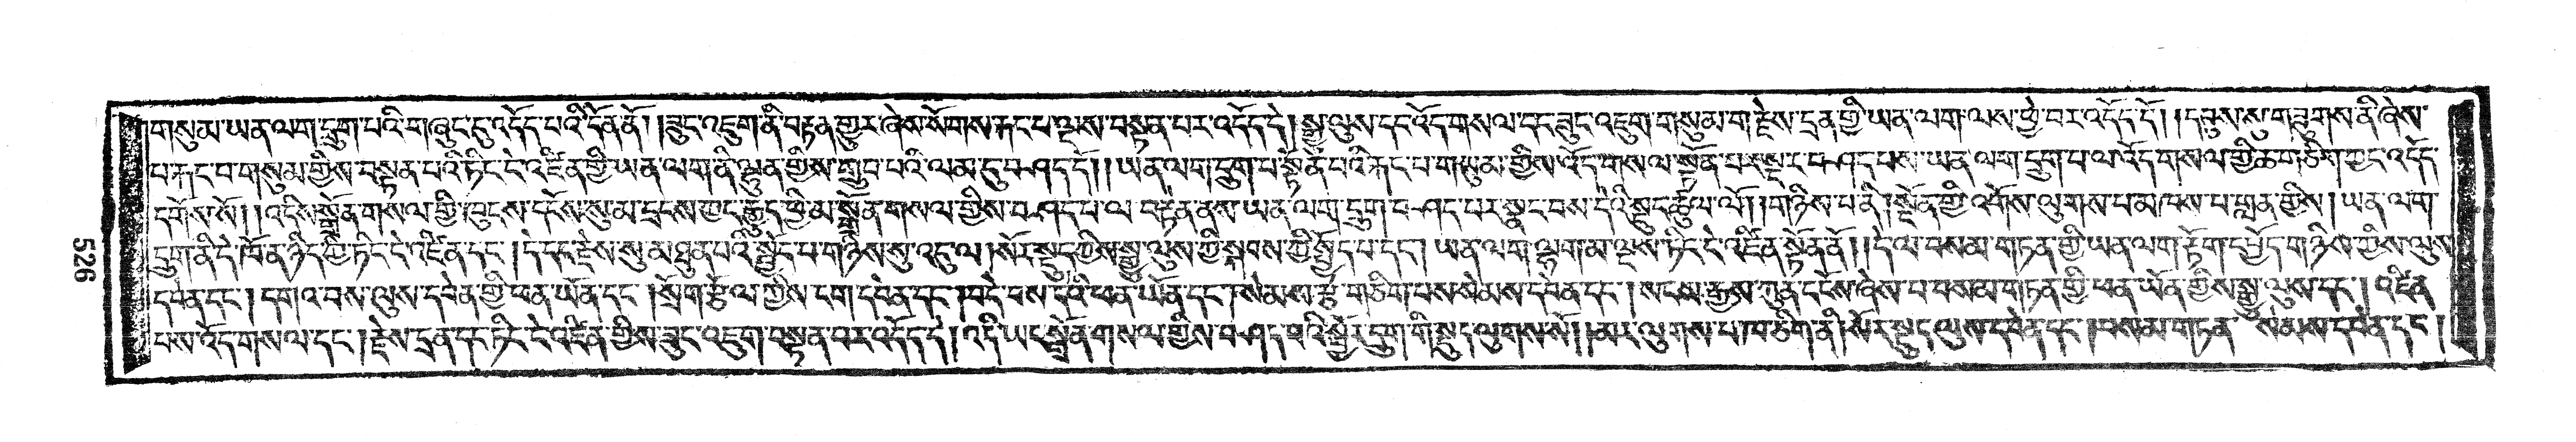གསུམ་ཡན་ལག་དྲུག་པའི་གཞུང་དུ་འདོད་པའི་དོན་ནོ། །ཟུང་འཇུག་ནི་བརྟན་གྱུར་ཞེས་སོགས་རྐང་པ་ལྔས་བསྟན་པར་འདོད་དེ། སྒྱུ་ལུས་དང་འོད་གསལ་དང་ཟུང་འཇུག་གསུམ་ག་རྗེས་དྲན་གྱི་ཡན་ལག་ལས་ཕྱེ་བར་འདོད་དོ། །དབུས་སུ་གཟུགས་ནི་ཞེས་
པ་རྐང་པ་གསུམ་གྱིས་བསྟན་པའི་ཏིང་ངེ་འཛིན་གྱི་ཡན་ལག་ནི་ལྷུན་གྱིས་གྲུབ་པའི་ལམ་དུ་བཤད་དོ། །ཡན་ལག་དྲུག་པ་སྟོན་པའི་རྐང་པ་གསུམ་གྱིས་འོད་གསལ་སྟོན་པར་སྔར་བཤད་པས་ཡན་ལག་དྲུག་པ་ལ་འོད་གསལ་གྱི་ཆ་གཅིག་ཀྱང་འདོད་
དགོས་སོ། །འདིས་སྒྲོན་གསལ་གྱི་ཁུངས་དངོས་སུ་མ་དྲངས་ཀྱང་རྒྱུད་ཕྱི་མ་སྒྲོན་གསལ་གྱིས་བཤད་པ་ལ་བརྟེན་ནས་ཡན་ལག་དྲུག་བཤད་པར་སྣང་བས་དེའི་སྡུད་ཚུལ་ལོ། །གཉིས་པ་ནི། སྔོན་གྱི་འགོས་ལུགས་པ་མཁས་པ་གླན་གྱིས། ཡན་ལག་
དྲུག་ནི་དེ་ཁོ་ན་ཉིད་ཀྱི་ཏིང་ངེ་འཛིན་དང་། དེ་དང་རྗེས་སུ་མཐུན་པའི་སྤྱོད་པ་གཉིས་སུ་འདུ་ལ། སོར་སྡུད་ཀྱིས་སྒྱུ་ལུས་ཀྱི་སྐབས་ཀྱི་སྤྱོད་པ་དང་། ཡན་ལག་ལྷག་མ་ལྔས་ཏིང་ངེ་འཛིན་སྟོན་ནོ། །དེ་ལ་བསམ་གཏན་གྱི་ཡན་ལག་རྟོག་དཔྱོད་གཉིས་ཀྱིས་ལུས་
དབེན་དང་། དགའ་བས་ལུས་དབེན་གྱི་ཕན་ཡོན་དང་། སྲོག་རྩོལ་གྱིས་ངག་དབེན་དང་། བདེ་བས་དེའི་ཕན་ཡོན་དང་། སེམས་རྩེ་གཅིག་པས་སེམས་དབེན་དང་། སངས་རྒྱས་ཀུན་དངོས་ཞེས་པ་བསམ་གཏང་ཡི་ཕན་ཡོན་གྱིས་སྒྱུ་ལུས་དང་། འཛིན་
པས་འོད་གསལ་དང་། རྗེས་དྲན་དང་ཏིང་ངེ་འཛིན་གྱིས་ཟུང་འཇུག་བསྟན་པར་འདོད་དེ། འདི་ཡང་སྒྲོན་གསལ་གྱིས་བཤད་པའི་སྦྱོར་དྲུག་གི་སྡུད་ལུགས་སོ། །མར་ལུགས་པ་ཁ་ཅིག་ནི། སོར་སྡུད་ལུས་དབེན་དང་། བསམ་གཏན་སེམས་དབེན་དང་།